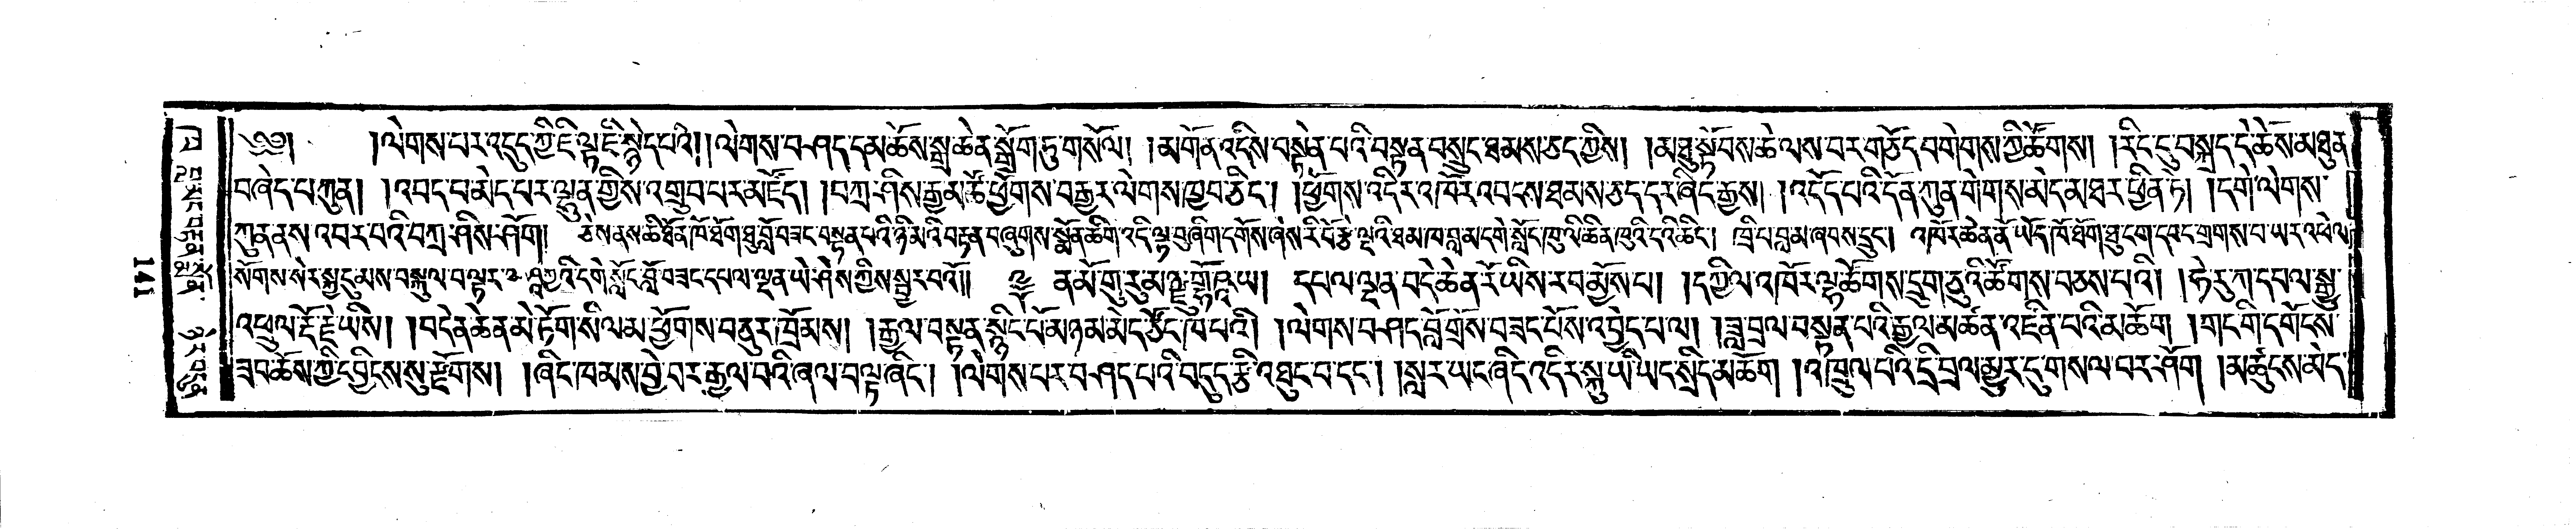༄༅། །ལེགས་པར་འདུད་ཀྱི་ཇི་ལྟ་ཇི་སྙེད་པའི། །ལེགས་བཤད་དམ་ཆོས་སྒྲ་ཆེན་སྒྲོག་ཏུ་གསོལ། །མགོན་འདིས་བསྟེན་པའི་བསྟན་བསྲུང་ཐམས་ཅད་ཀྱིས། །མཐུ་སྟོབས་ཆེ་ལས་བར་གཅོད་བགེགས་ཀྱི་ཚོགས། །རིང་དུ་བསྐྲད་དེ་ཆོས་མཐུན་
བཞེད་པ་ཀུན། །འབད་བ་མེད་པར་ལྷུན་གྱིས་འགྲུབ་པར་མཛོད། །བཀྲ་ཤིས་རྒྱ་མཚོ་ཕྱོགས་བརྒྱར་ལེགས་ཁྱབ་ཅིང་། །ཕྱོགས་འདིར་འཁོར་འབངས་ཐམས་ཅད་དར་ཞིང་རྒྱས། །འདོད་པའི་དོན་ཀུན་གེགས་མེད་མཐར་ཕྱིན་ཏེ། །དགེ་ལེགས་
ཀུན་ནས་འབར་བའི་བཀྲ་ཤིས་ཤོག། ཅེས་ནས་ཆི་ཐོན་ཁོ་ཐོག་ཐུ་བློ་བཟང་བསྟན་པའི་ཉི་མའི་བརྟན་བཞུགས་སྨོན་ཚིག་འདི་ལྟ་བུ་ཞིག་དགོས་ཞེས་རི་བོ་རྩེ་ལྔའི་ཐམ་ཁ་བླ་མ་དགེ་སློང་ཁུ་ལི་ཆིན་ཁུའི་དའི་ཆིང་། ཁྲི་པ་བླ་མ་ཞབས་དྲུང་། འཁོར་ཆེན་ནོ་ཡོད་ཁོ་ཐོག་ཐུ་ངག་དབང་གྲགས་པ་ཡར་འཕེལ་
སོགས་སེར་སྐྱ་དུ་མས་བསྐུལ་བ་ལྟར་༧་ཤཱཀྱའི་དགེ་སློང་བློ་བཟང་དཔལ་ལྡན་ཡེ་ཤེས་ཀྱིས་སྦྱར་བའོ།། ༈ ན་མོ་གུ་རུ་མཉྫུ་གྷོ་ཥཱ་ཡ། དཔལ་ལྡན་བདེ་ཆེན་རོ་ཡིས་རབ་མྱོས་པ། །དཀྱིལ་འཁོར་ལྷ་ཚོགས་དྲུག་ཅུའི་ཚོགས་བཅས་པའི། །ཧེ་རུ་ཀ་དཔལ་སྒྱུ་
འཕྲུལ་རྡོ་རྗེ་ཡིས། །བདེན་ཆེན་མེ་ཏོག་སི་ལམ་ཕྱོགས་བཅུར་ཁྲོམས། །རྒྱལ་བསྟན་སྙིང་པོ་མཉམ་མེད་ཙོང་ཁ་པའི། །ལེགས་བཤད་བློ་གྲོས་བཟང་པོས་འབྱེད་པ་ལ། །ཟླ་བྲལ་བསྟན་པའི་རྒྱལ་མཚན་འཛིན་བའི་མཆོག །གང་གི་དགོངས་
ཟབ་ཆོས་ཀྱི་དབྱིངས་སུ་རྫོགས། །ཞིང་ཁམས་བྱེ་བར་རྒྱལ་བའི་ཞལ་བལྟ་ཞིང་། །ལེགས་པར་བཤད་པའི་བདུད་རྩི་འཐུང་བ་དང་། །སླར་ཡང་ཞིང་འདིར་སྐུ་ཡི་ཡང་སྲིད་མཆོག །འཁྲུལ་པའི་དྲི་བྲལ་མྱུར་དུ་གསལ་བར་ཤོག །མཚུངས་མེད་